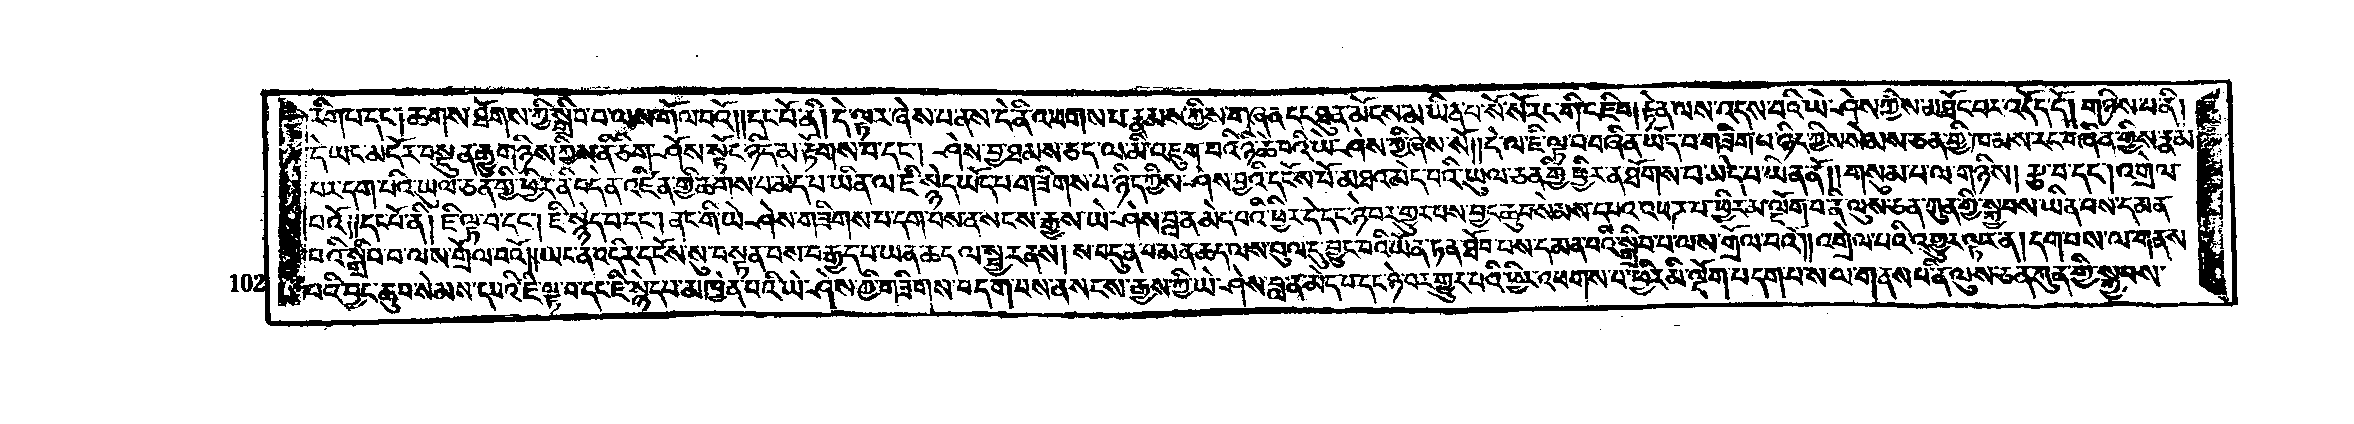རིག་པ་དང་། ཆགས་ཐོགས་ཀྱི་སྒྲིབ་པ་ལས་གོལ་བའོ། །དང་པོ་ནི། དེ་ལྟར་ཞེས་པ་ནས་དེ་ནི་འཕགས་པ་རྣམས་ཀྱིས་གཞན་དང་ཐུན་མོངས་མ་ཡིན་པ་སོ་སོ་རང་གི་འཇིག་རྟེན་ལས་འདས་པའི་ཡེ་ཤེས་ཀྱིས་མཐོང་བར་འདོད་དོ། གཉིས་པ་ནི།
དེ་ཡང་མདོར་བསྡུན་ན་རྒྱུ་གཉིས་ཀྱིས་ནི་ཅིག་ཤོས་སྟོང་ཉིད་མ་རྟོགས་པ་དང་། ཤེས་བྱ་ཐམས་ཅད་ལ་མི་འཇུག་པའི་ཉི་ཆེ་བའི་ཡེ་ཤེས་ཀྱི་ཞེས་སོ། །དེ་ལ་ཇི་ལྟ་བ་བཞིན་ཡོད་པ་གཟིགས་པ་ཉིད་ཀྱིས་སེམས་ཅན་གྱི་ཁམས་རང་ཞིན་གྱིས་རྣམ་
པར་དག་པའི་ཡུལ་ཅན་གྱི་ཕྱིར་ནི་བདེན་འཛིན་གྱི་ཆགས་པ་མེད་པ་ཡིན་ལ་ཇི་སྙེད་ཡོད་པ་གཟིགས་པ་ཉིད་ཀྱིས་ཤེས་བྱའི་དངོས་པོ་མཐའ་མེད་པའི་ཡུལ་ཅན་གྱི་ཕྱིར་ན་ཐོགས་པ་མེད་པ་ཡིན་ནོ། །གསུམ་པ་ལ་གཉིས། རྩ་བ་དང་། འགྲེལ་
པའོ༑ ༑དང་པོ་ནི། ཇི་ལྟ་བ་དང་། ཇི་སྙེད་པ་དང་། ནང་གི་ཡེ་ཤེས་གཟིགས་པ་དག་པས་ན་སངས་རྒྱས་ཡེ་ཤེས་བླ་ན་མེད་པའི་ཕྱིར་དེ་དང་ཉེ་བར་གྱུར་པས་བྱང་ཆུབ་སེམས་དཔའ་འཕགས་པ་ཕྱིར་མ་ལྡོག་པ་ནི་ལུས་ཅན་ཀུན་གྱི་སྐྱབས་ཡིན་པས་དམན་
པའི་སྒྲིབ་པ་ལས་གྲོལ་བའོ། །ཡང་ན་འདིར་དངོས་སུ་བསྟན་པས་བརྒྱད་པ་ཡན་ཆད་ལ་སྦྱར་ནས། ས་བདུན་པ་མན་ཆད་ལས་བུལ་དུ་བྱུང་བའི་ཡོན་ཏན་ཐོབ་པས་དམན་པའི་སྒྲིབ་པ་ལས་གྲོལ་བའོ། །འགྲེལ་པའི་འགྱུར་ལྟར་ན། དག་པས་ལ་གནས་
པའི་བྱང་ཆུབ་སེམས་དཔའི་ཇི་ལྟ་བ་དང་ཇི་སྙེད་པ་མཁྱེན་པའི་ཡེ་ཤེས་ཀྱི་གཟིགས་པ་བདག་པས་ན་སངས་རྒྱས་ཀྱི་ཡེ་ཤེས་བླ་ན་མེད་པ་དང་ཉེ་བར་གྱུར་བའི་ཕྱིར་འཕགས་པ་ཕྱིར་མི་ལྡོག་པ་དག་པ་ས་ལ་གནས་པ་ནི་ལུས་ཅན་ཀུན་གྱི་སྐྱབས་